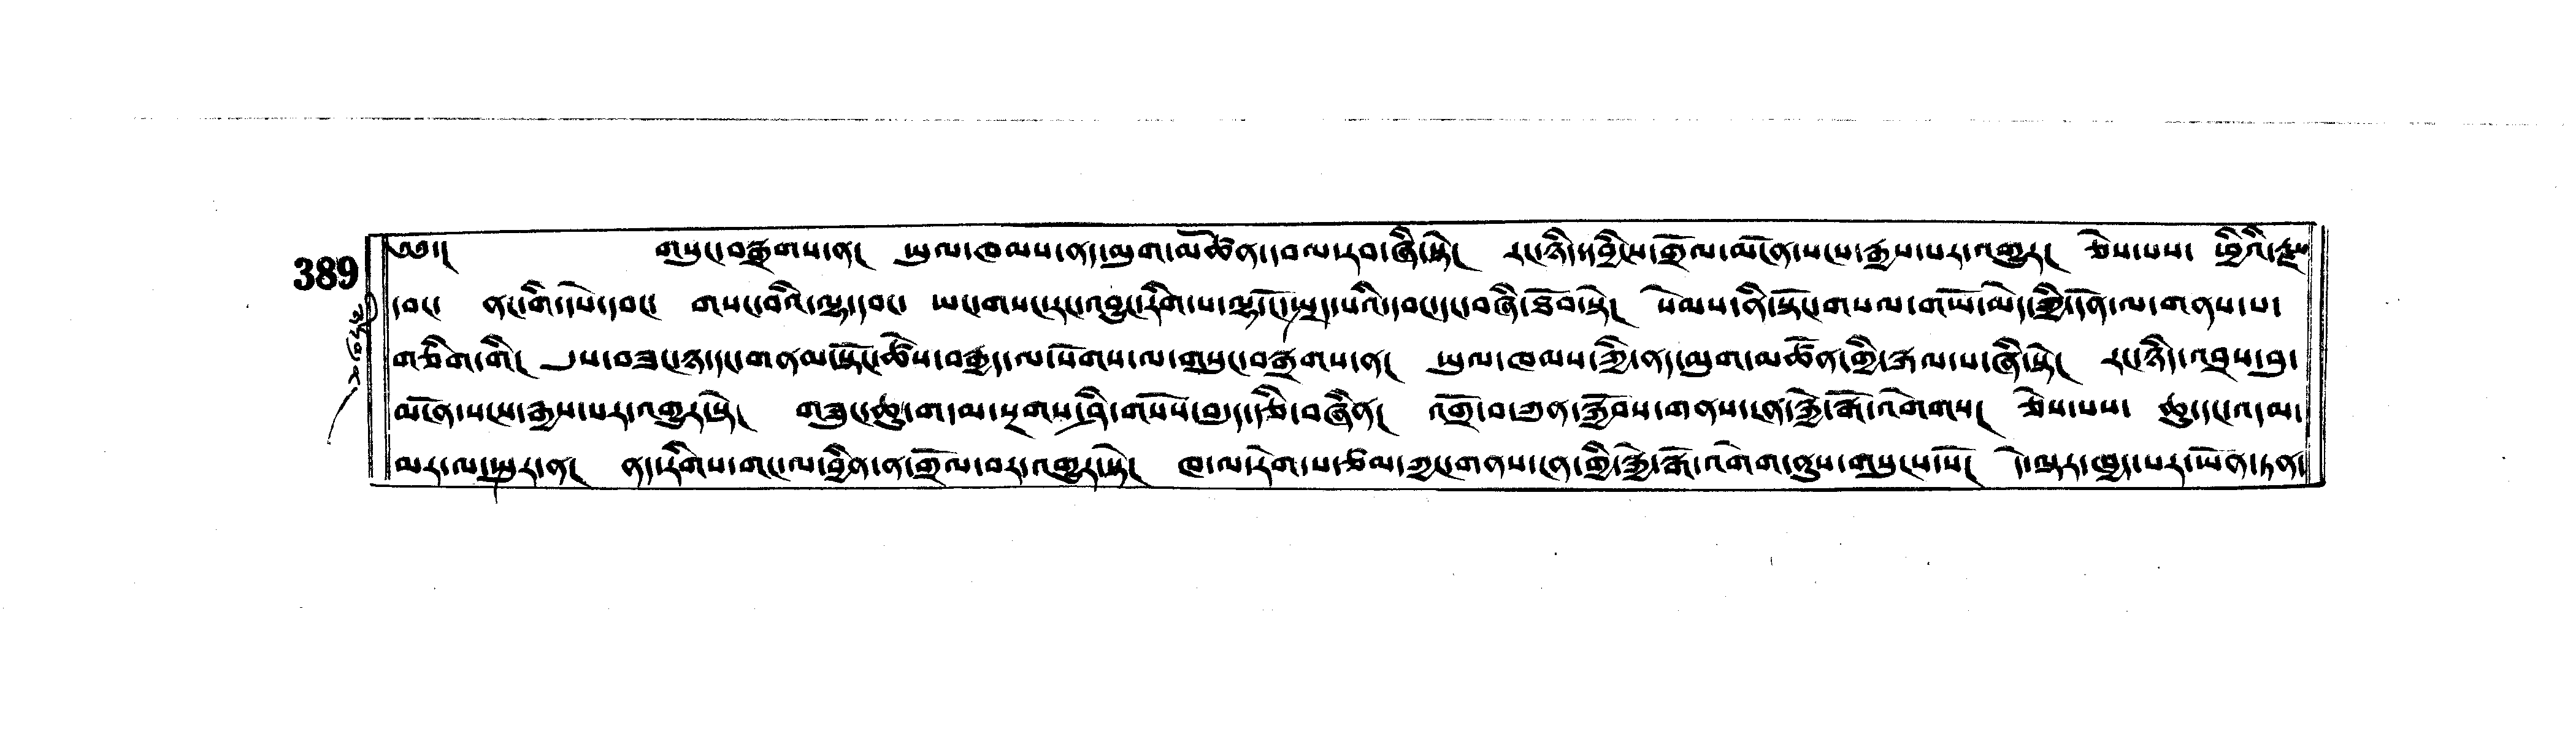གསུང་བསྒྲགས་ན། ཡུལ་ཁམས་ནད་མུག་མཚོན་དབལ་རབ་ཞི་སྟེ། རང་ཉིད་དབྱིངས་གྲོལ་མངོན་སངས་རྒྱས་པར་འགྱུར། ཅེས་པས། ཕྱི་ཡི་རྫས་
དབང་། ནང་གི་དཔེ་དབང་། གསང་བའི་ལྷ་དབང་། ཡང་གསང་རང་འབྱུང་རིག་པ་ལྷ་ངོ་སྤྲད་པའི་དབང་དང་བཞི་ཐོབ་སྟེ། སེམས་ནི་སྟོང་གསལ་གཡོ་མེད་ཀྱི་དོན་ལ་གནས་པ་
གཅིག་གི། དུས་བཟང་ཉ་དང་གནམ་སྟོང་ཚེས་བརྒྱད་ལ་སོགས་ལ་གསུང་བསྒྲགས་ན། ཡུལ་ཁམས་ཀྱི་ནད་མུག་མཚོན་གྱི་བསྐལ་པ་ཞི་སྟེ། རང་ཉིད་འབྲས་བུ་
མངོན་སངས་རྒྱས་པར་འགྱུར་ཏེ། གཟུང་ཆུ་གདམས་ངག་ཤི་སོས་བདུད་རྩི་བཞིན། འགྲོ་བ་ཀུན་སྐྱོབས་གནས་ངན་སྐྱེ་སྒོ་འགེགས། ཅེས་པས། ཆུ་དང་འདམ་
མར་ལ་སྤུར་ན། ནད་རིགས་གང་ལ་བྱིན་ན་གྲོལ་བར་འགྱུར་ཏེ། ཁ་ལ་རེག་པ་ཙམ་གྱིས་གནས་ངན་གྱི་སྐྱེ་སྒོ་འགེགས་ནུས་གསུངས་སོ། དེ་ལྟར་ཁྱད་པར་ཡོན་ཏན་